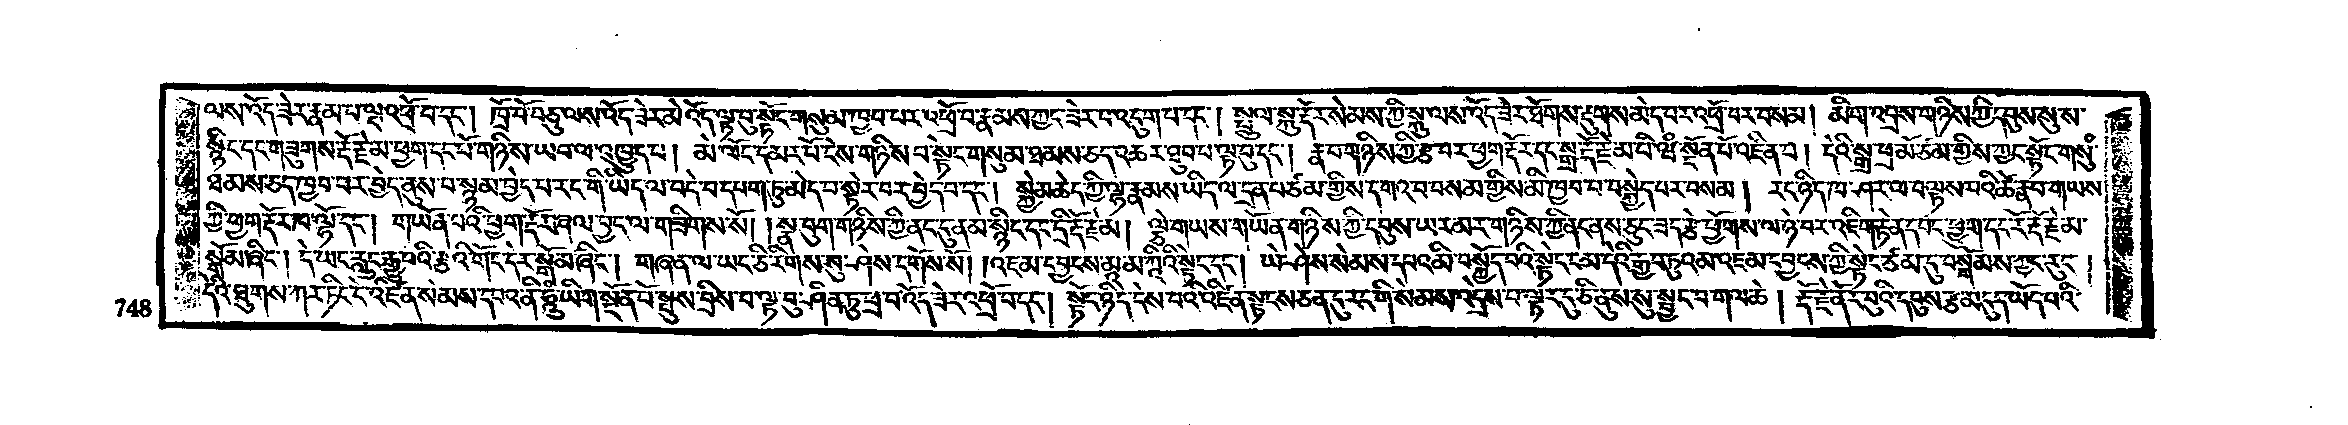ལས་འོད་ཟེར་རྣམ་པ་ལྔ་འཕྲོ་བ་དང་། ཁྲོ་བོ་བཅུ་ལས་འོད་ཟེར་མེ་འོད་ལྟ་བུ་སྟོང་གསུམ་ཁྱབ་པར་འཕྲོ་བ་རྣམས་ཀྱང་ཟེར་བ་འདུག་པ་དང་། སྤྲུལ་སྐུ་རྡོར་སེམས་ཀྱི་སྐུ་ལས་འོད་ཟེར་ཐོགས་རྡུགས་མེད་པར་འཕྲོ་བར་བསམ། མིག་འབྲས་གཉིས་ཀྱི་དབུས་སུ་ས་
སྙིང་དང་གཟུགས་རྡོ་རྗེ་མ་ཕྱག་དང་པོ་གཉིས་ཡབ་ལ་འཁྱུད་པ། མེ་ལོང་དམར་པོ་ངེས་གཉིས་པ་སྟོང་གསུམ་ཐམས་ཅད་འཆར་ཐུབ་པ་ལྟ་བུ་དང་། རྣ་བ་གཉིས་ཀྱི་རྩ་བར་ཕྱག་རྡོར་དང་སྒྲ་རྡོ་རྗེ་མ་པི་ཝཾ་སྔོན་པོ་འཛིན་པ། དེའི་སྒྲ་ཕྲ་མོ་ཙམ་གྱིས་ཀྱང་སྟོང་གསུཾ་
ཐམས་ཅད་ཁྱབ་པར་བྱེད་ནུས་པ་སྙམ་བྱེད་པ་རང་གི་ཡིད་ལ་བདེ་བ་དཔག་ཏུ་མེད་པ་སྟེར་བར་བྱེད་པ་དང་། སྐྱེ་མཆེད་ཀྱི་ལྷ་རྣམས་ཡིད་ལ་དྲན་པ་ཙམ་གྱིས་དགའ་བ་བསམ་གྱིས་མི་ཁྱབ་པ་བསྐྱེད་པར་བསམ། རང་ཉིད་ཁ་ཤར་ལ་བལྟས་པའི་ཚེ་རྣ་བ་གཡས་
ཀྱི་ཕྱག་རྡོར་ཁ་ལྷོ་དང་། གཡོན་པའི་ཕྱག་རྡོར་ཞལ་བྱང་ལ་གཟིགས་སོ། །སྣ་བུག་གཉིས་ཀྱི་ནང་དུ་ནམ་སྙིང་དང་དྲི་རྡོ་རྗེ་མ། ལྕེ་གཡས་གཡོན་གཉིས་ཀྱི་དབུས་ཡར་མར་གཉིས་ཀྱི་ནང་ནས་ཅུང་ཟད་རྩེ་ཕྱོགས་ལ་ཉེ་བར་འཇིག་རྟེན་དབང་ཕྱུག་དང་རོ་རྡོ་རྗེ་མ་
སྒོམ་ཞིང་། དེ་ཡང་རླུང་རྒྱུ་བའི་རྩའི་གོང་དེར་སྒོམ་ཞིང་། གཞན་ལ་ཡང་ཅི་རིགས་སུ་ཤེས་དགོས་སོ། །འཇམ་དབྱངས་མཱ་མ་ཀཱིའི་སྟེང་དང་། ཡེ་ཤེས་སེམས་དཔའ་མི་བསྐྱོད་པའི་སྟེང་ངམ་དེའི་རྒྱབ་ཏུའམ་འཇམ་དབྱངས་ཀྱི་སྟེང་ཙམ་དུ་བསྒོམས་ཀྱང་རུང་།
དེའི་ཐུགས་ཀར་ཏིང་ངེ་འཛིན་སེམས་དཔའ་ནི་ཧཱུཾ་ཡིག་སྔོན་པོ་སྤུས་བྲིས་པ་ལྟ་བུ་ཤིན་ཏུ་ཕྲ་བ་འོད་ཟེར་འཕྲོ་བ་དང་། སྟོང་ཉིད་ངེས་པའི་འཛིན་སྟངས་ཅན་དུ་རང་གི་སེམས་འདྲེས་པ་ལྟར་དུ་ཅི་ནུས་སུ་སྦྱང་བ་གལ་ཆེ། རྡོ་རྗེ་ནོར་བུའི་དབུས་རྩ་མདུད་ཡོད་པའི་